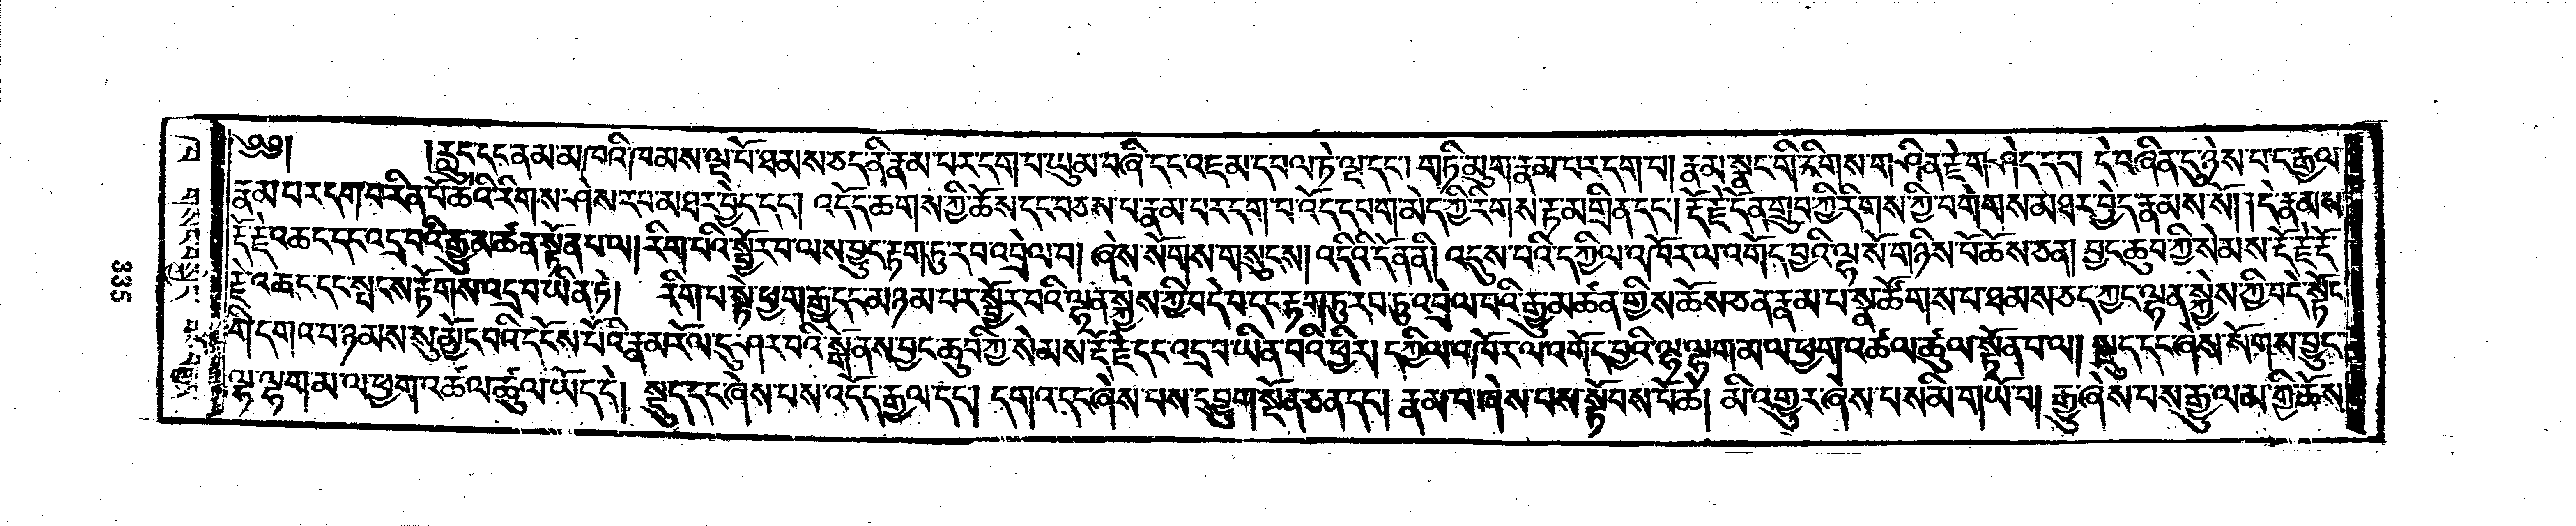༄༅། །རླུང་དང་ནམ་མཁའི་ཁམས་ལྔ་པོ་ཐམས་ཅད་ནི་རྣམ་པར་དག་པ་ཡུམ་བཞི་དང་འཇམ་དཔལ་ཏེ་ལྔ་དང་། གཏི་མུག་རྣམ་པར་དག་པ། རྣམ་སྣང་གི་རིགས་གཤིན་རྗེ་གཤེད་དང་། དེ་བཞིན་དུ་ཉེས་པ་ང་རྒྱལ་
རྣམ་པར་དག་པ་རིན་པོ་ཆེའི་རིགས་ཤེས་རབ་མཐར་བྱེད་དང་། འདོད་ཆགས་ཀྱི་ཆོས་དང་བཅས་པ་རྣམ་པར་དག་པ་འོད་དཔག་མེད་ཀྱི་རིགས་རྟ་མགྲིན་དང་། རྡོ་རྗེ་དོན་གྲུབ་ཀྱི་རིགས་ཀྱི་བགེགས་མཐར་བྱེད་རྣམས་སོ། །དེ་རྣམས་
རྡོ་རྗེ་འཆང་དང་འདྲ་བའི་རྒྱུ་མཚན་སྟོན་པ་ལ། རིག་པའི་སྦྱོར་བ་ལས་བྱུང་རྟག་ཏུ་རབ་འབྲེལ་བ། ཞེས་སོགས་གསུངས། འདིའི་དོན་ནི། འདུས་པའི་དཀྱིལ་འཁོར་ལ་འགོད་བྱའི་ལྷ་སོ་གཉིས་པོ་ཆོས་ཅན། བྱང་ཆུབ་ཀྱི་སེམས་རྡོ་རྗེ་རྡོ་
རྗེ་འཆང་དང་སྤངས་རྟོགས་འདྲ་བ་ཡིན་ཏེ། རིག་པ་སྟེ་ཕྱག་རྒྱ་དང་མཉམ་པར་སྦྱོར་བའི་ལྷན་སྐྱེས་ཀྱི་བདེ་བ་དང་རྟག་ཏུ་རབ་ཏུ་འབྲེལ་བའི་རྒྱུ་མཚན་གྱིས་ཆོས་ཅན་རྣམ་པ་སྣ་ཚོགས་པ་ཐམས་ཅད་ཀྱང་ལྷན་སྐྱེས་ཀྱི་བདེ་སྟོང་
གི་དགའ་བ་ཉམས་སུ་མྱོང་བའི་དངོས་པོའི་རྣམ་རོལ་དུ་ཤར་བའི་སྒོ་ནས་བྱང་ཆུབ་ཀྱི་སེམས་རྡོ་རྗེ་དང་འདྲ་བ་ཡིན་པའི་ཕྱིར། དཀྱིལ་འཁོར་ལ་འགོད་བྱའི་ལྷ་ལྷག་མ་ལ་ཕྱག་འཚལ་ཚུལ་སྟོན་པ་ལ། སྡུད་དང་ཞེས་སོགས་བྱུང་
ལྷ་ལྷག་མ་ལ་ཕྱག་འཚལ་ཚུལ་ཡོད་དེ། སྡུད་དང་ཞེས་པས་འདོད་རྒྱལ་དང་། དགའ་དང་ཞེས་པས་དབྱུག་སྔོན་ཅན་དང་། རྣམ་པ་ཞེས་པས་སྟོབས་པོ་ཆེ། མི་འགྱུར་ཞེས་པས་མི་གཡོ་བ། རྒྱུ་ཞེས་པས་རྒྱུ་ལམ་གྱི་ཆོས་